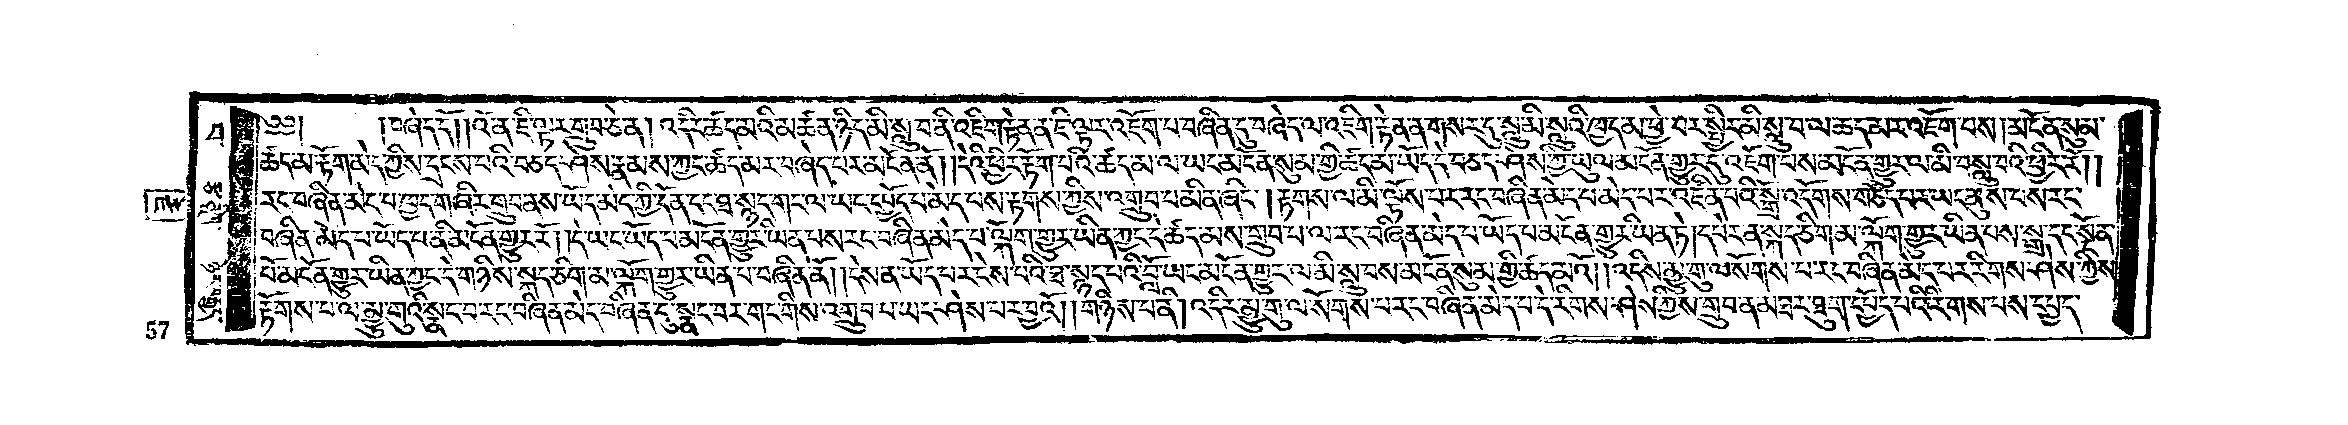༄༅། །བཞེད་དོ། །འོ་ན་ཇི་ལྟར་གྲུབ་ཅེ་ན། འདིར་ཚད་མའི་མཚན་ཉིད་མི་སླུ་བ་ནི་འཇིག་རྟེན་ན་ཇི་ལྟར་འཇོག་པ་བཞིན་དུ་བཞེད་ལ་འཇིག་རྟེན་ན་གསར་དུ་སླུ་མི་སླུའི་ཁྱད་མ་ཕྱེ་བར་སྤྱིར་མི་སླུ་བ་ལ་ཆད་མར་འཇོག་པས། མངོན་སུམ་
ཚད་མ་རྟོག་མེད་ཀྱིས་དྲངས་པའི་བཅད་ཤེས་རྣམས་ཀྱང་ཚད་མར་བཞེད་པར་མངོན་ནོ། །དེའི་ཕྱིར་རྟོག་པའི་ཚད་མ་ལ་ཡང་མངོན་སུམ་གྱི་ཚད་མ་ཡོད་དེ་བཅད་ཤེས་ཀྱི་ཡུལ་མངོན་གྱུར་དུ་འཇོག་པས་མངོན་གྱུར་ལ་མི་བསླུ་བའི་ཕྱིར་རོ། །
རང་བཞིན་མེད་པ་ཁྱད་གཞིར་གྲུབ་ནས་ཡོད་མེད་ཀྱི་དོན་དང་ཐ་སྙད་གང་ལ་ཡང་དཔྱོད་པ་མེད་པས་རྟགས་ཀྱིས་འགྲུབ་པ་མིན་ཞིང་། རྟགས་ལ་མི་ལྟོས་པར་རང་བཞིན་མེད་པ་མེད་པར་འཛིན་པའི་སྒྲོ་འདོགས་གཅོད་པར་ཡང་ནུས་པས་རང་
བཞིན་མེད་པ་ཡོད་པ་ནི་མངོན་གྱུར་རོ། །དེ་ཡང་ཡོད་པ་མངོན་གྱུར་ཡིན་པས་རང་བཞིན་མེད་པ་ལྐོག་གྱུར་ཡིན་ཀྱང་དེ་ཚད་མས་གྲུབ་པ་ལ་རང་བཞིན་མེད་པ་ཡོད་པ་མངོན་གྱུར་ཡིན་ཏེ། དཔེར་ན་སྐད་ཅིག་མ་ལྐོག་གྱུར་ཡིན་པས་སྒྲ་དང་སྔོན་
པོ་མངོན་གྱུར་ཡིན་ཀྱང་དེ་གཉིས་སྐད་ཅིག་མ་ལྐོག་གྱུར་ཡིན་པ་བཞིན་ནོ། །དེས་ན་ཡོད་པར་ངེས་པའི་ཐ་སྙད་པའི་བློ་ཡང་མངོན་གྱུར་ལ་མི་སླུ་བས་མངོན་སུམ་གྱི་ཚད་མའོ། །འདིས་མྱུ་གུ་ལ་སོགས་པ་རང་བཞིན་མེད་པར་རིགས་ཤེས་ཀྱིས་
རྟོགས་པ་ལ་མྱུ་གུའི་སྣང་བ་རང་བཞིན་མེད་བཞིན་དུ་སྣང་བར་གང་གིས་འགྲུབ་པ་ཡང་ཤེས་པར་བྱའོ། །གཉིས་པ་ནི། འདིར་མྱུ་གུ་ལ་སོགས་པ་རང་བཞིན་མེད་པ་དེ་རིགས་ཤེས་ཀྱིས་གྲུབ་ན་མཐར་ཐུག་དཔྱོད་པའི་རིགས་པས་དཔྱད་